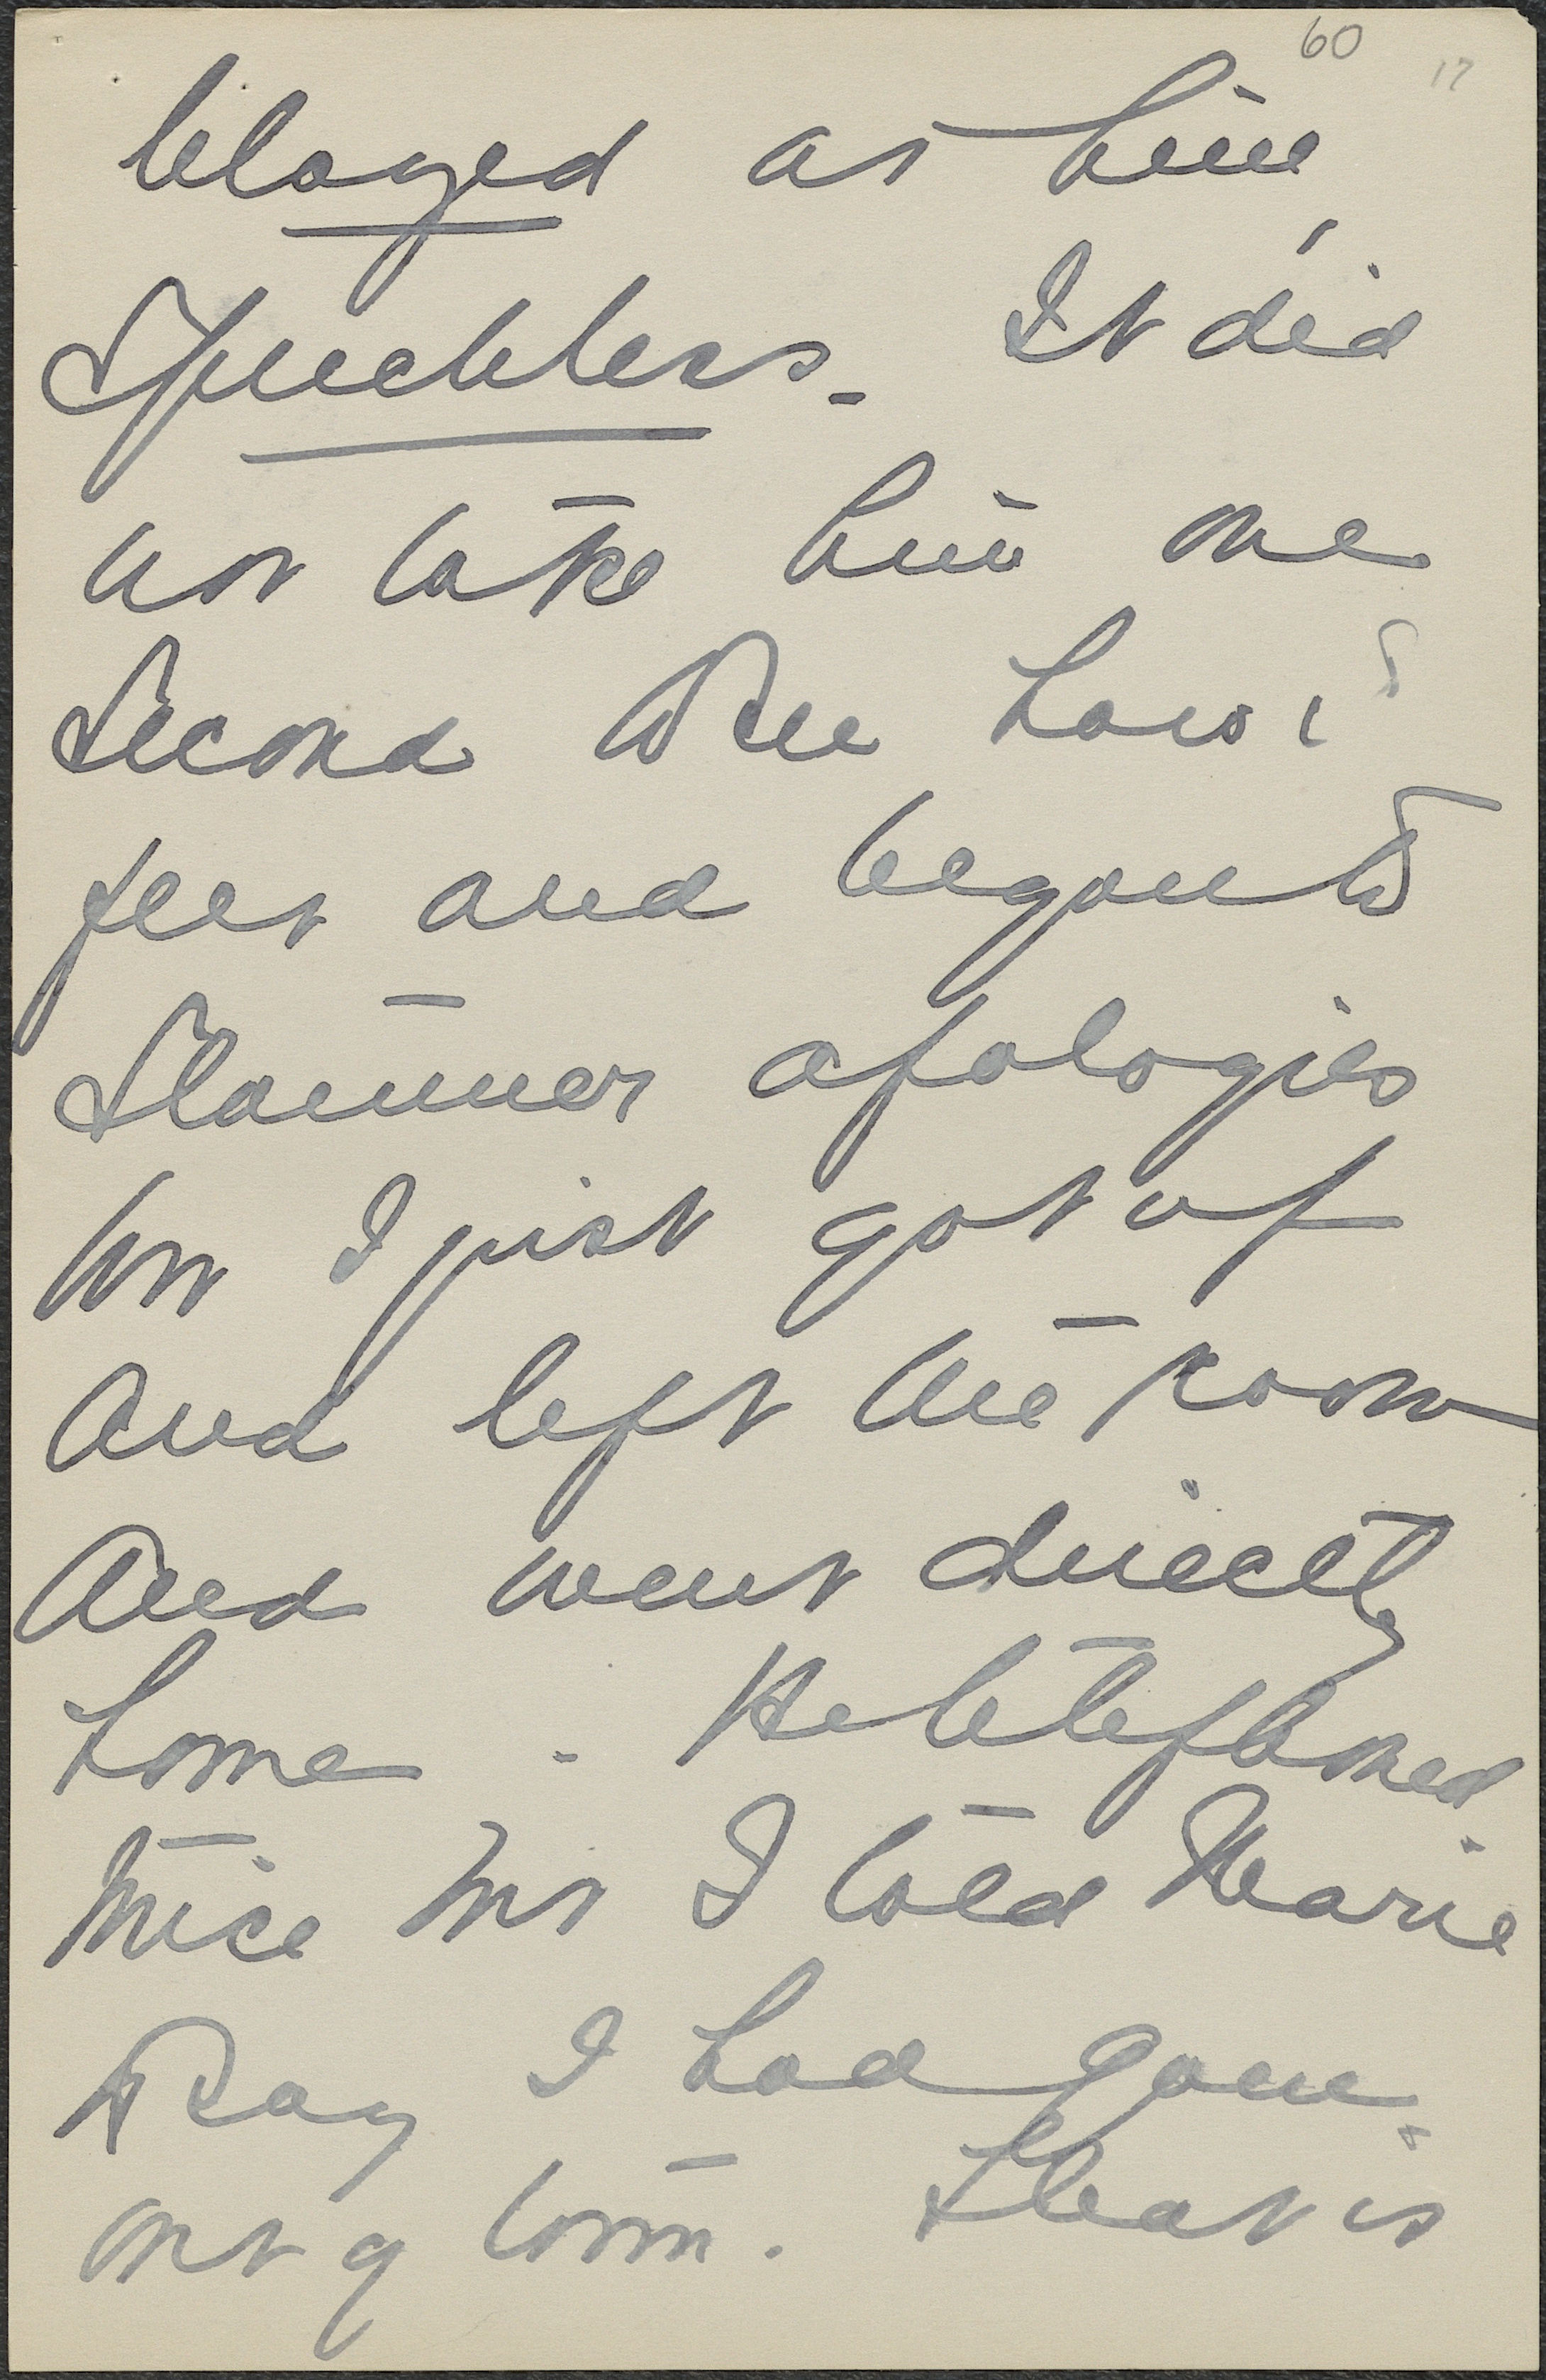blazed at him, speechless. It did not take him one second to see how I felt and began to stammer apologies but I just got up and left the room and went directly home – He telephoned twice but I told Marie to say I had gone out of town. That is